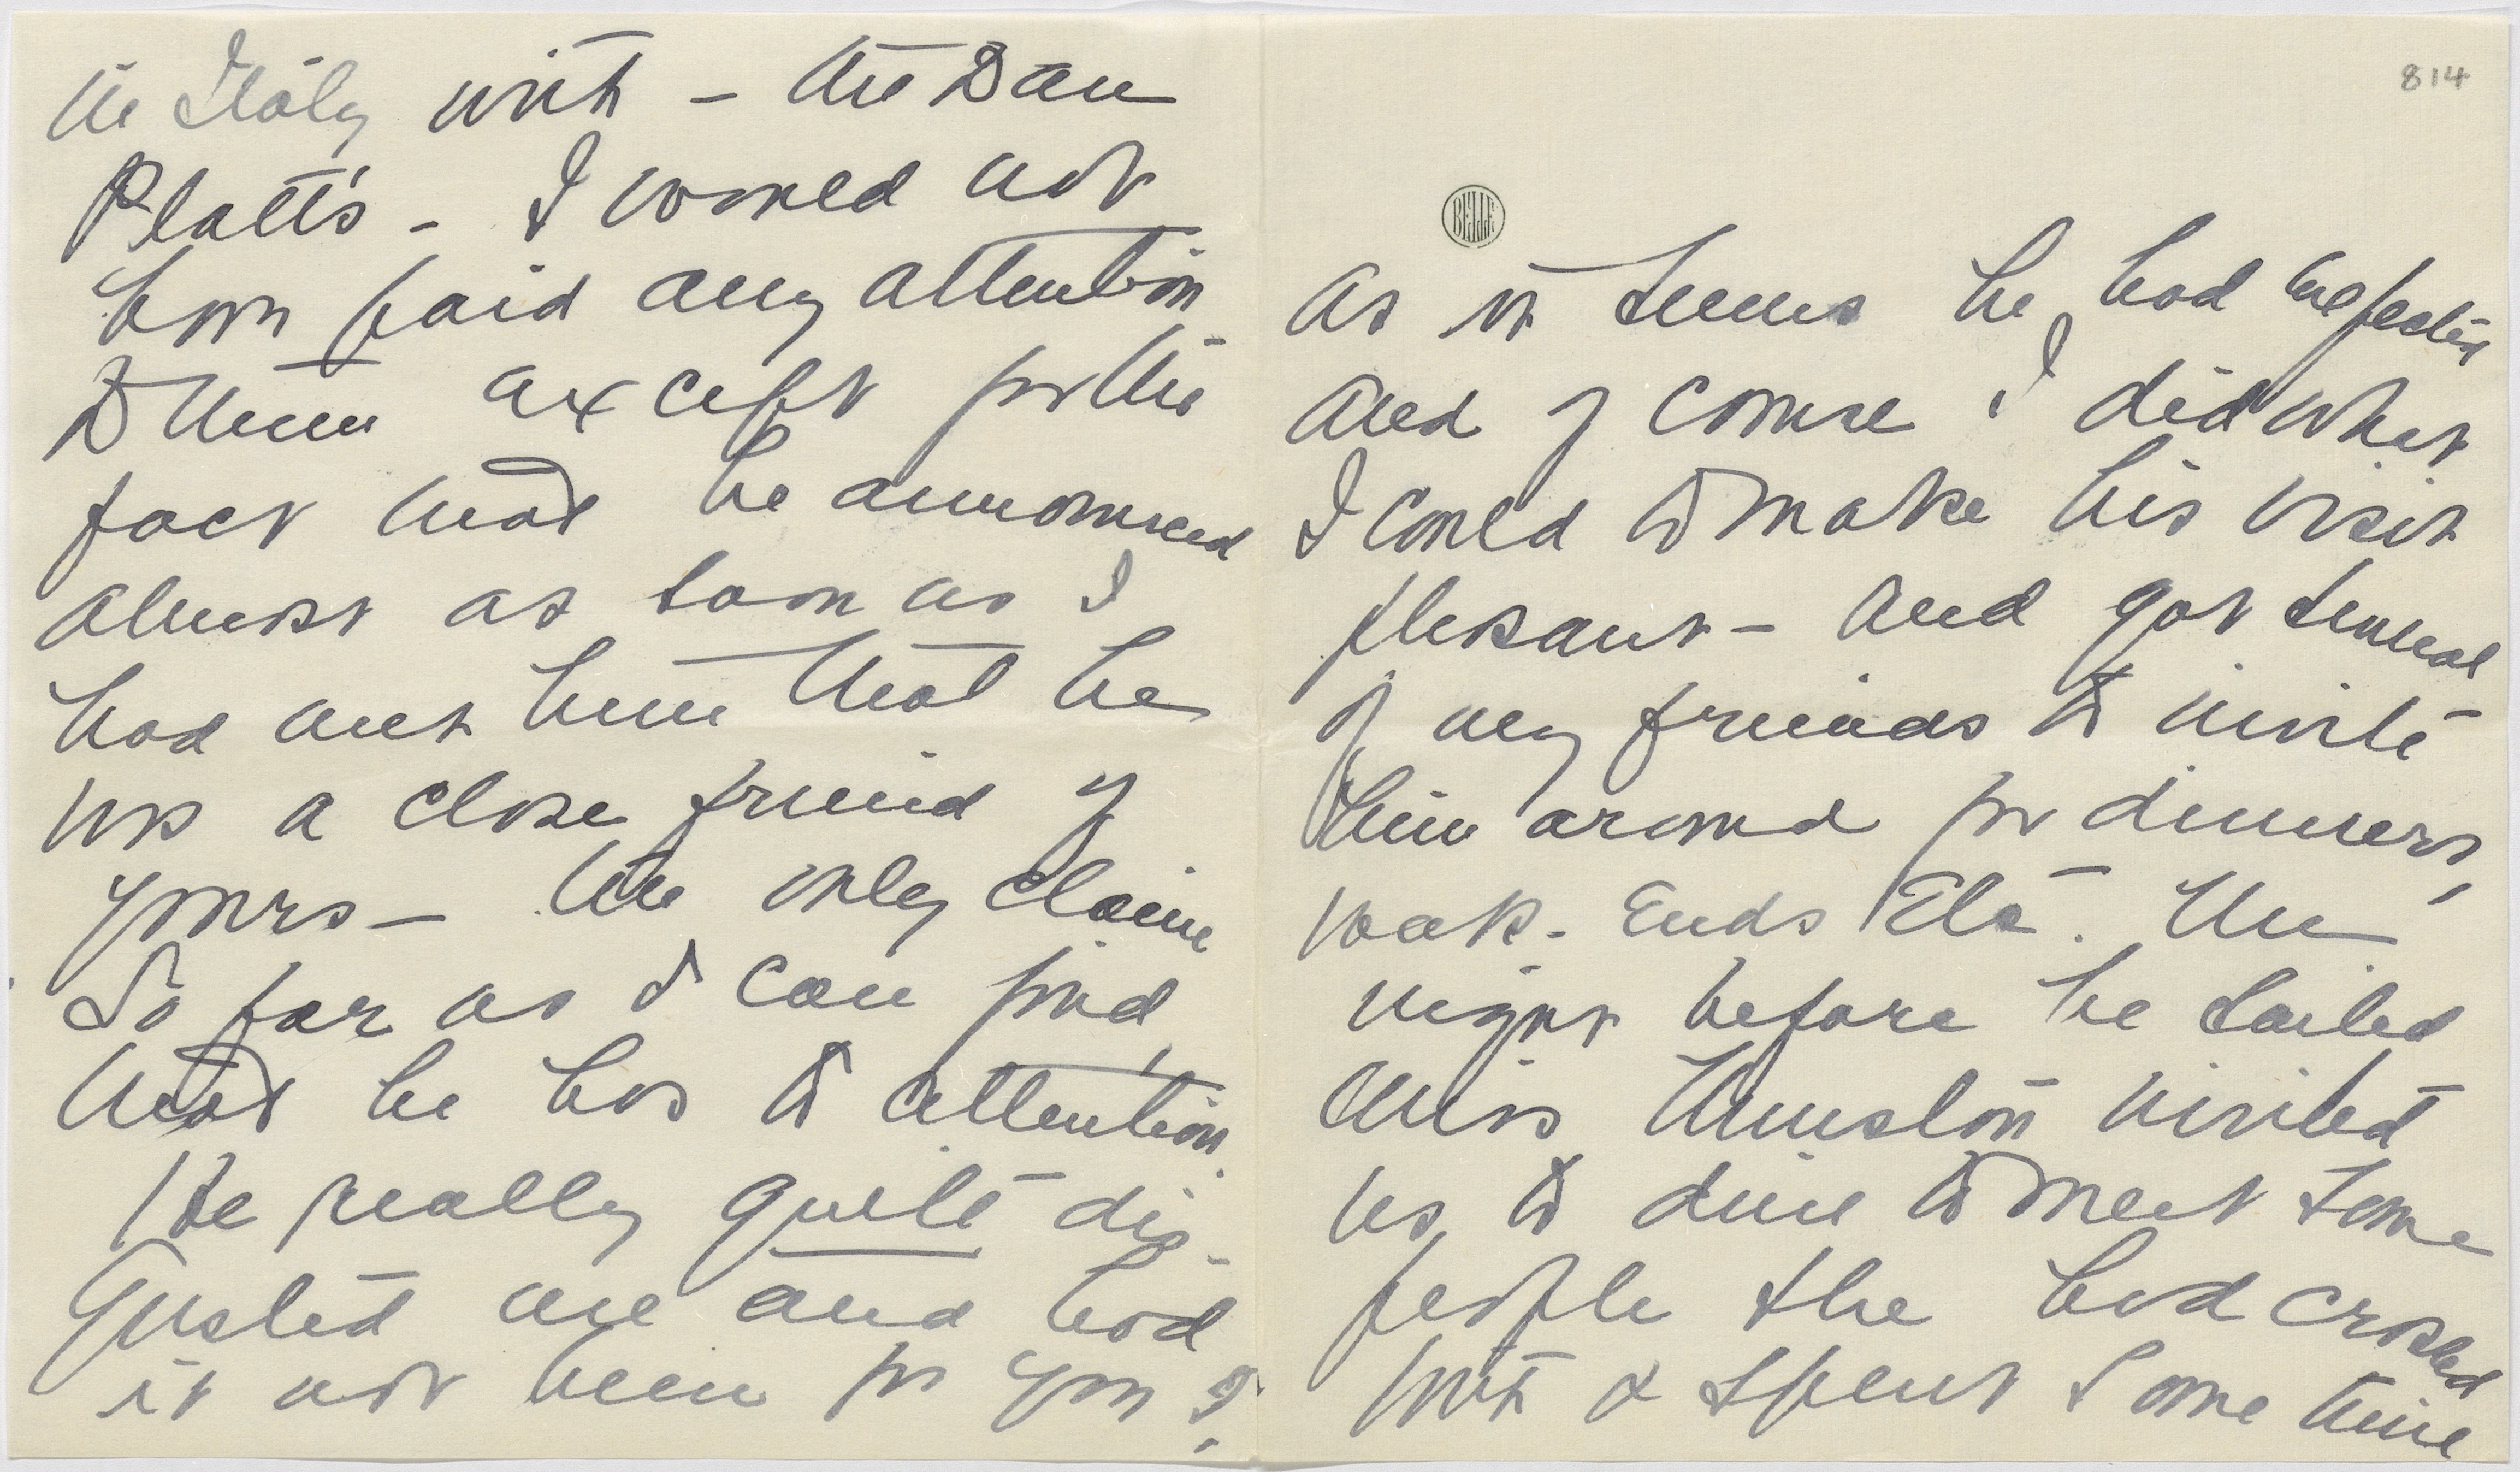as it seems he had expected and of course I did what I could to make his visit pleasant – and got several of my friends to invite him around for dinners, week-ends etc. The night before he sailed Miss Thurston invited us to dine to meet some people she had crashed with & spent some time
in Italy with – the Dan Platt’s – I would not have paid any attention to them except for the fact that he announced almost as soon as I had met him that he was a close friend of yours – the only claim so far as I can find that he has to attention.
He really quite disgusted me and had it not been for you I